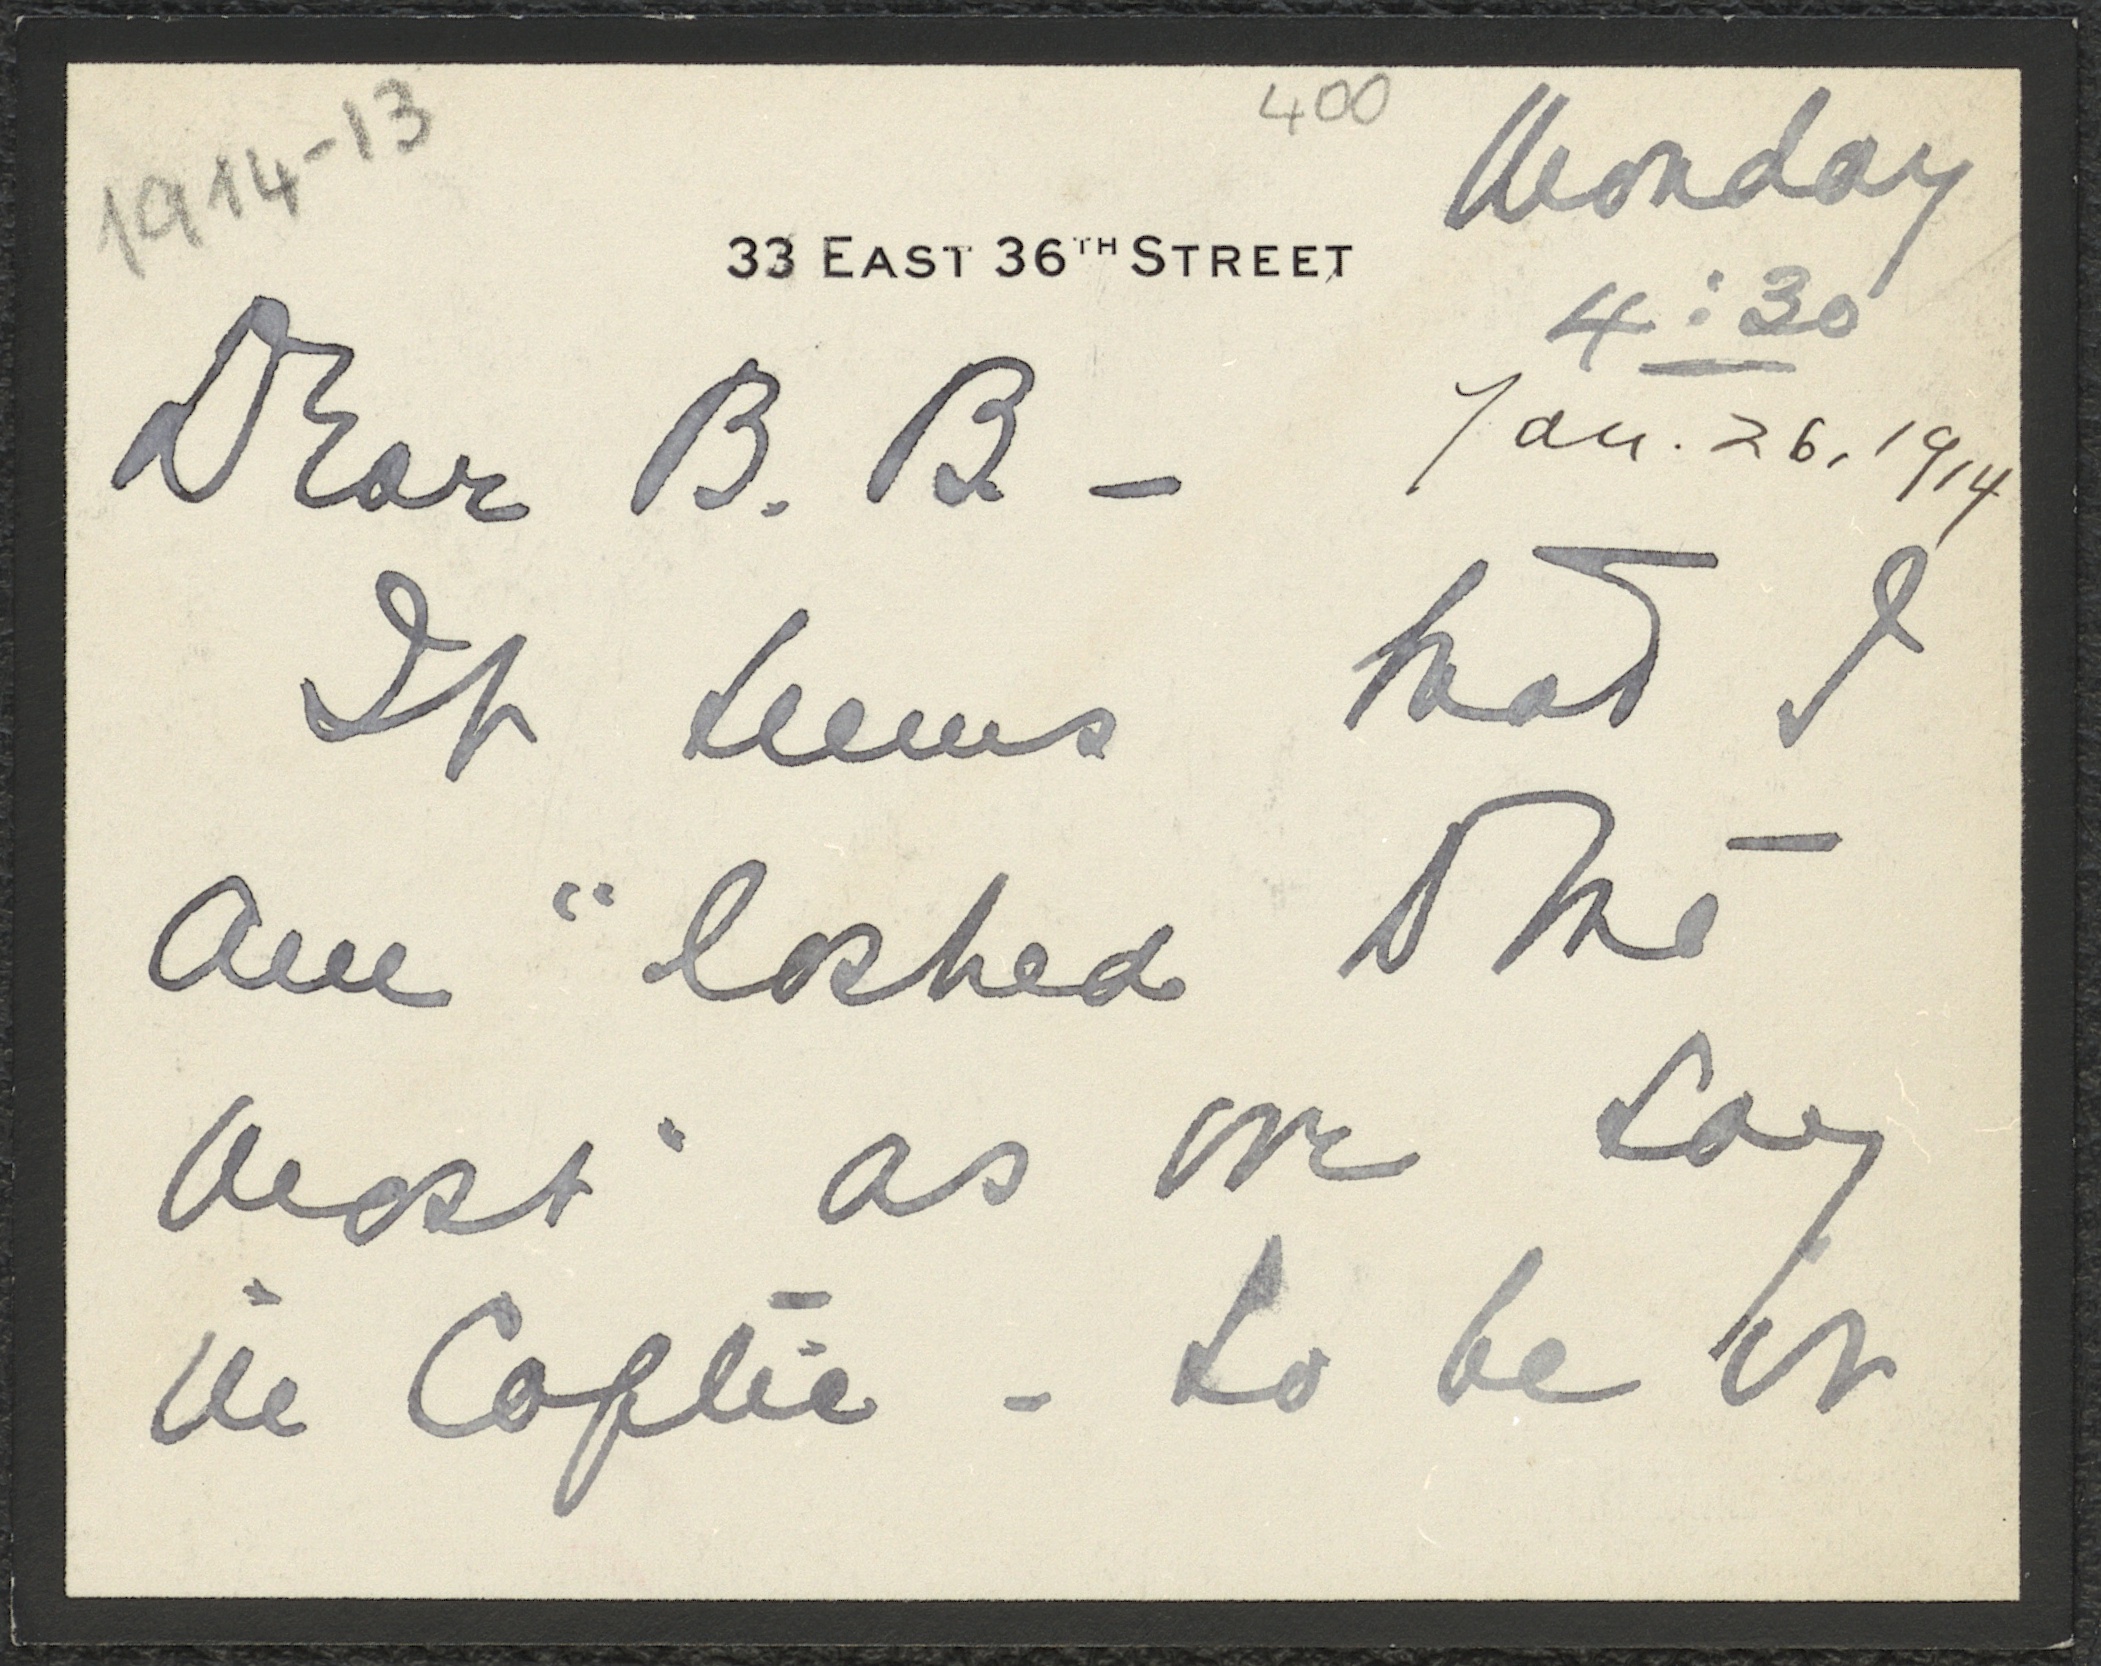Monday 4:30
Dear B.B. –
It seems that I am “lashed to the mast” as we say in Coptic – so be it